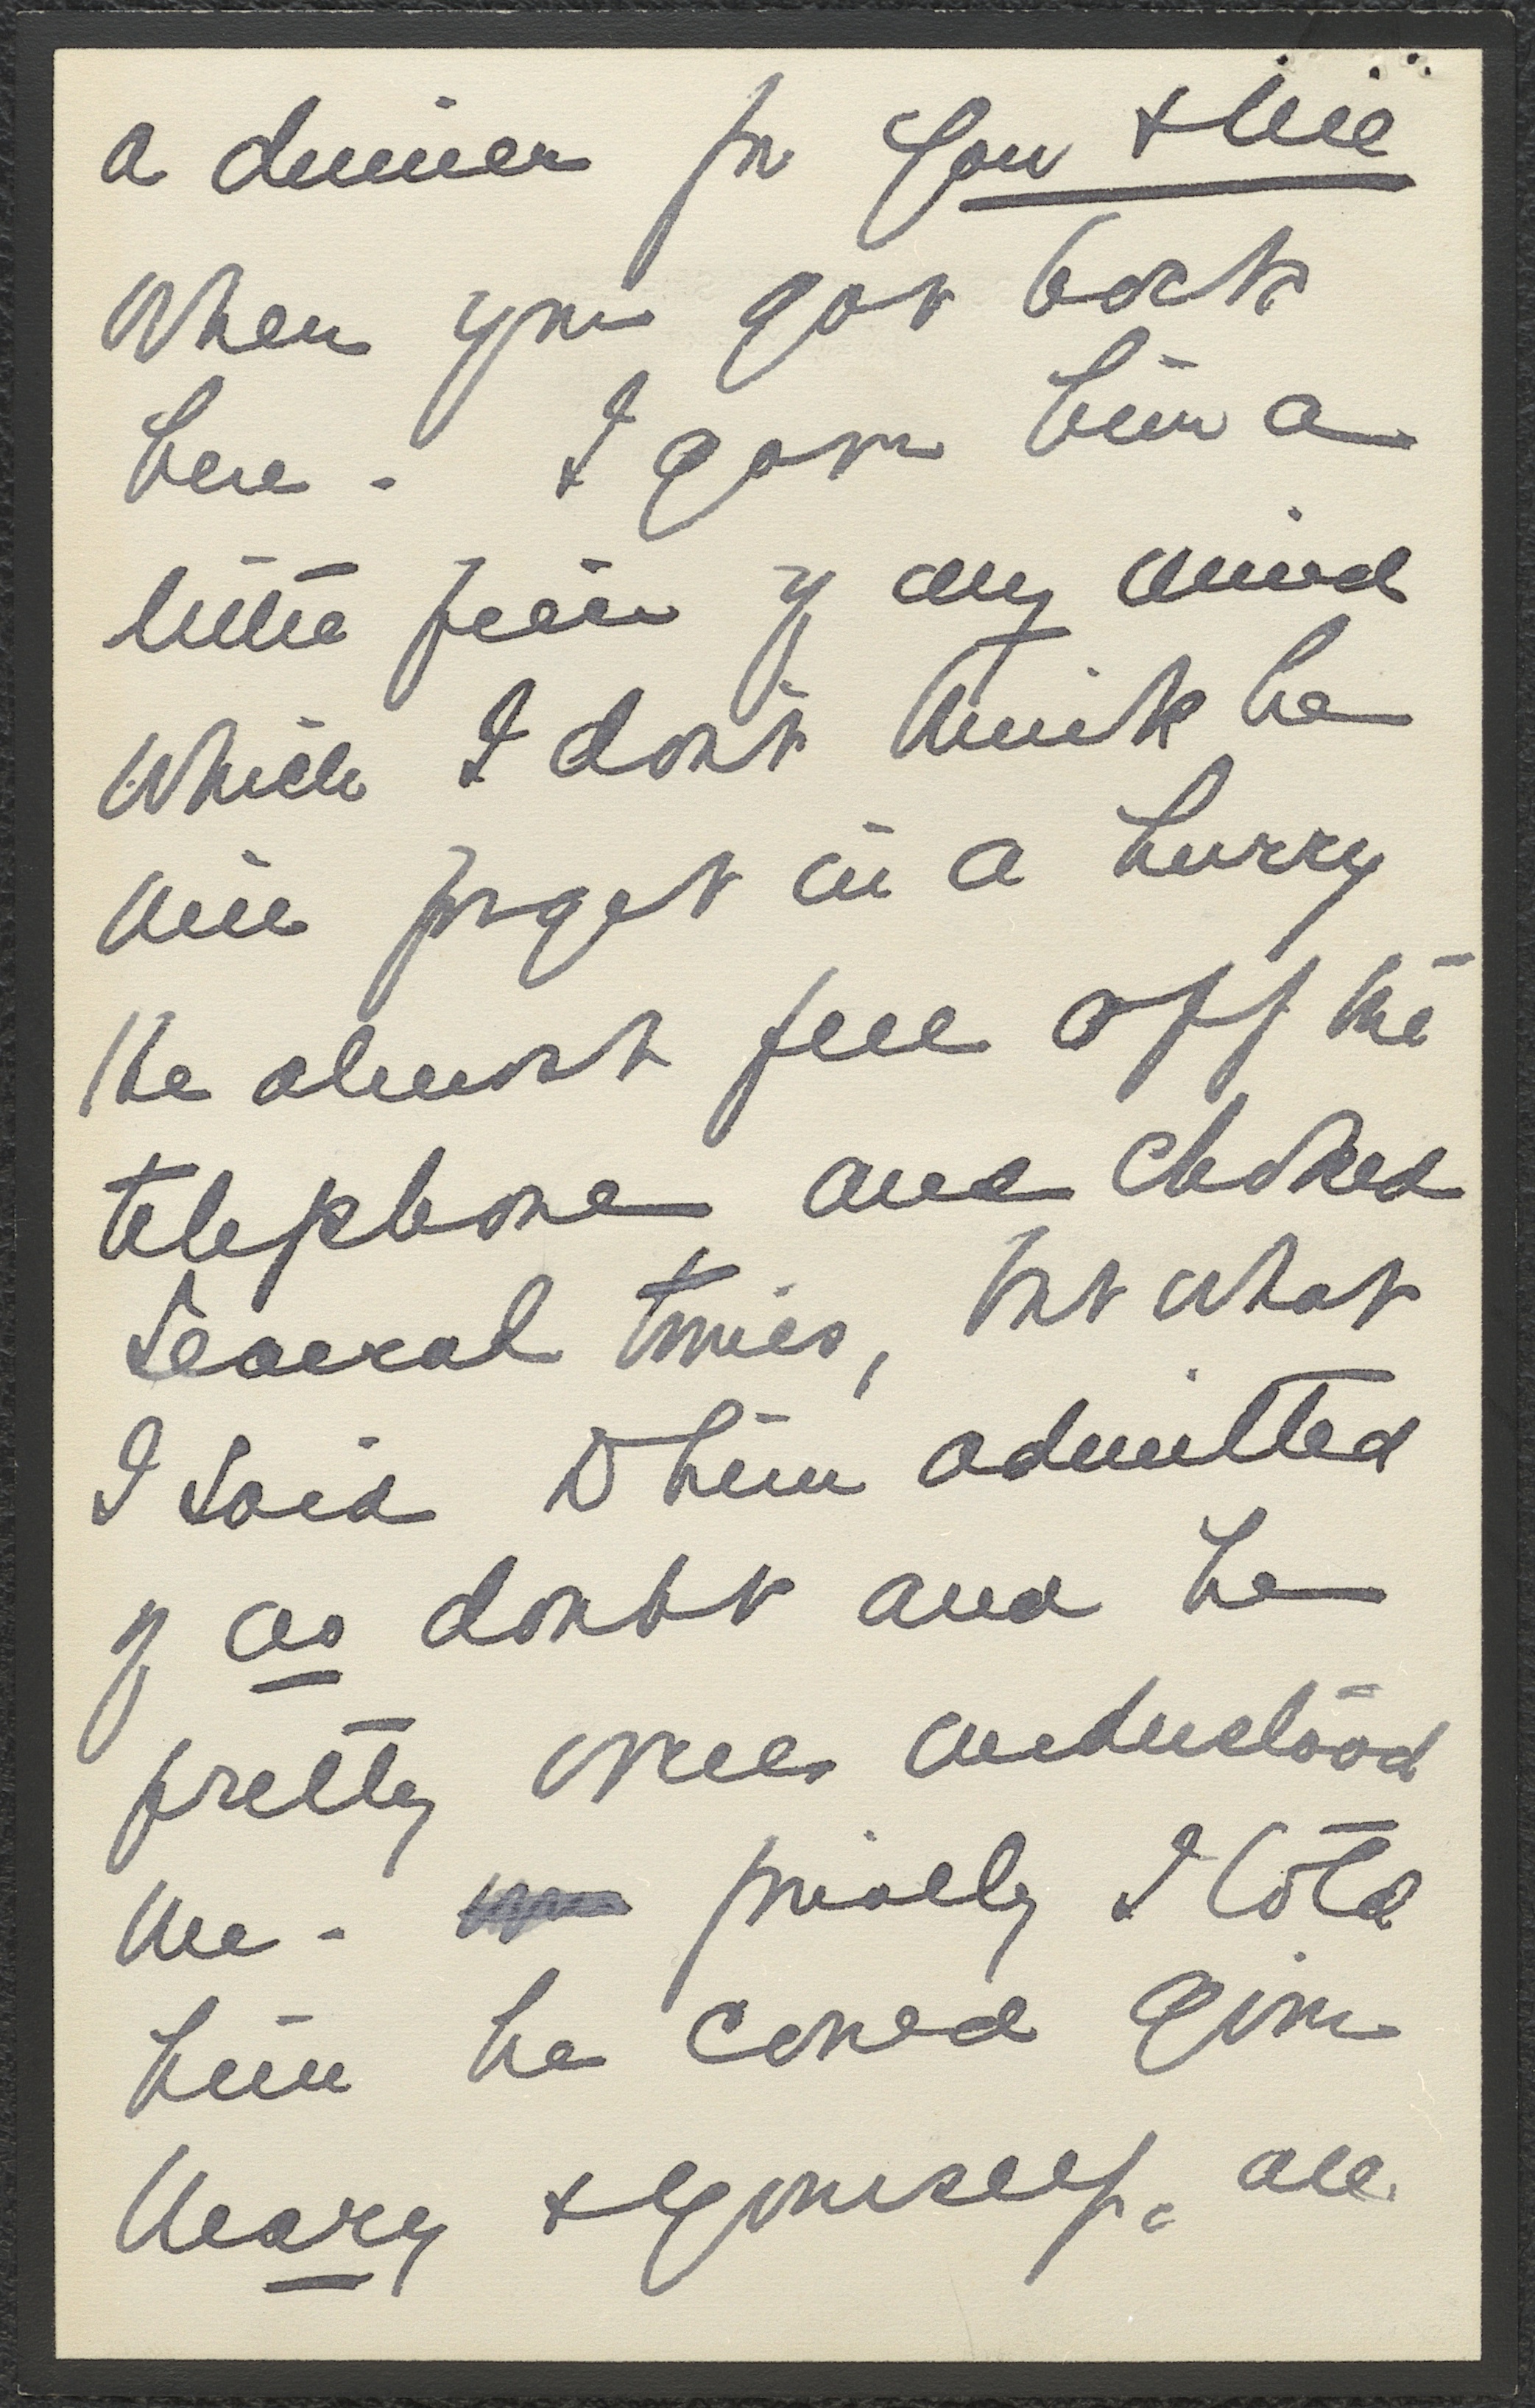a dinner for you & me when you got back here – I gave him a little piece of my mind which I don’t think he will forget in a hurry He almost fell off the telephone and choked several times, but what I said to him admitted of no doubt and he pretty well understood me – we finally I told him he could give Mary & yourself, all